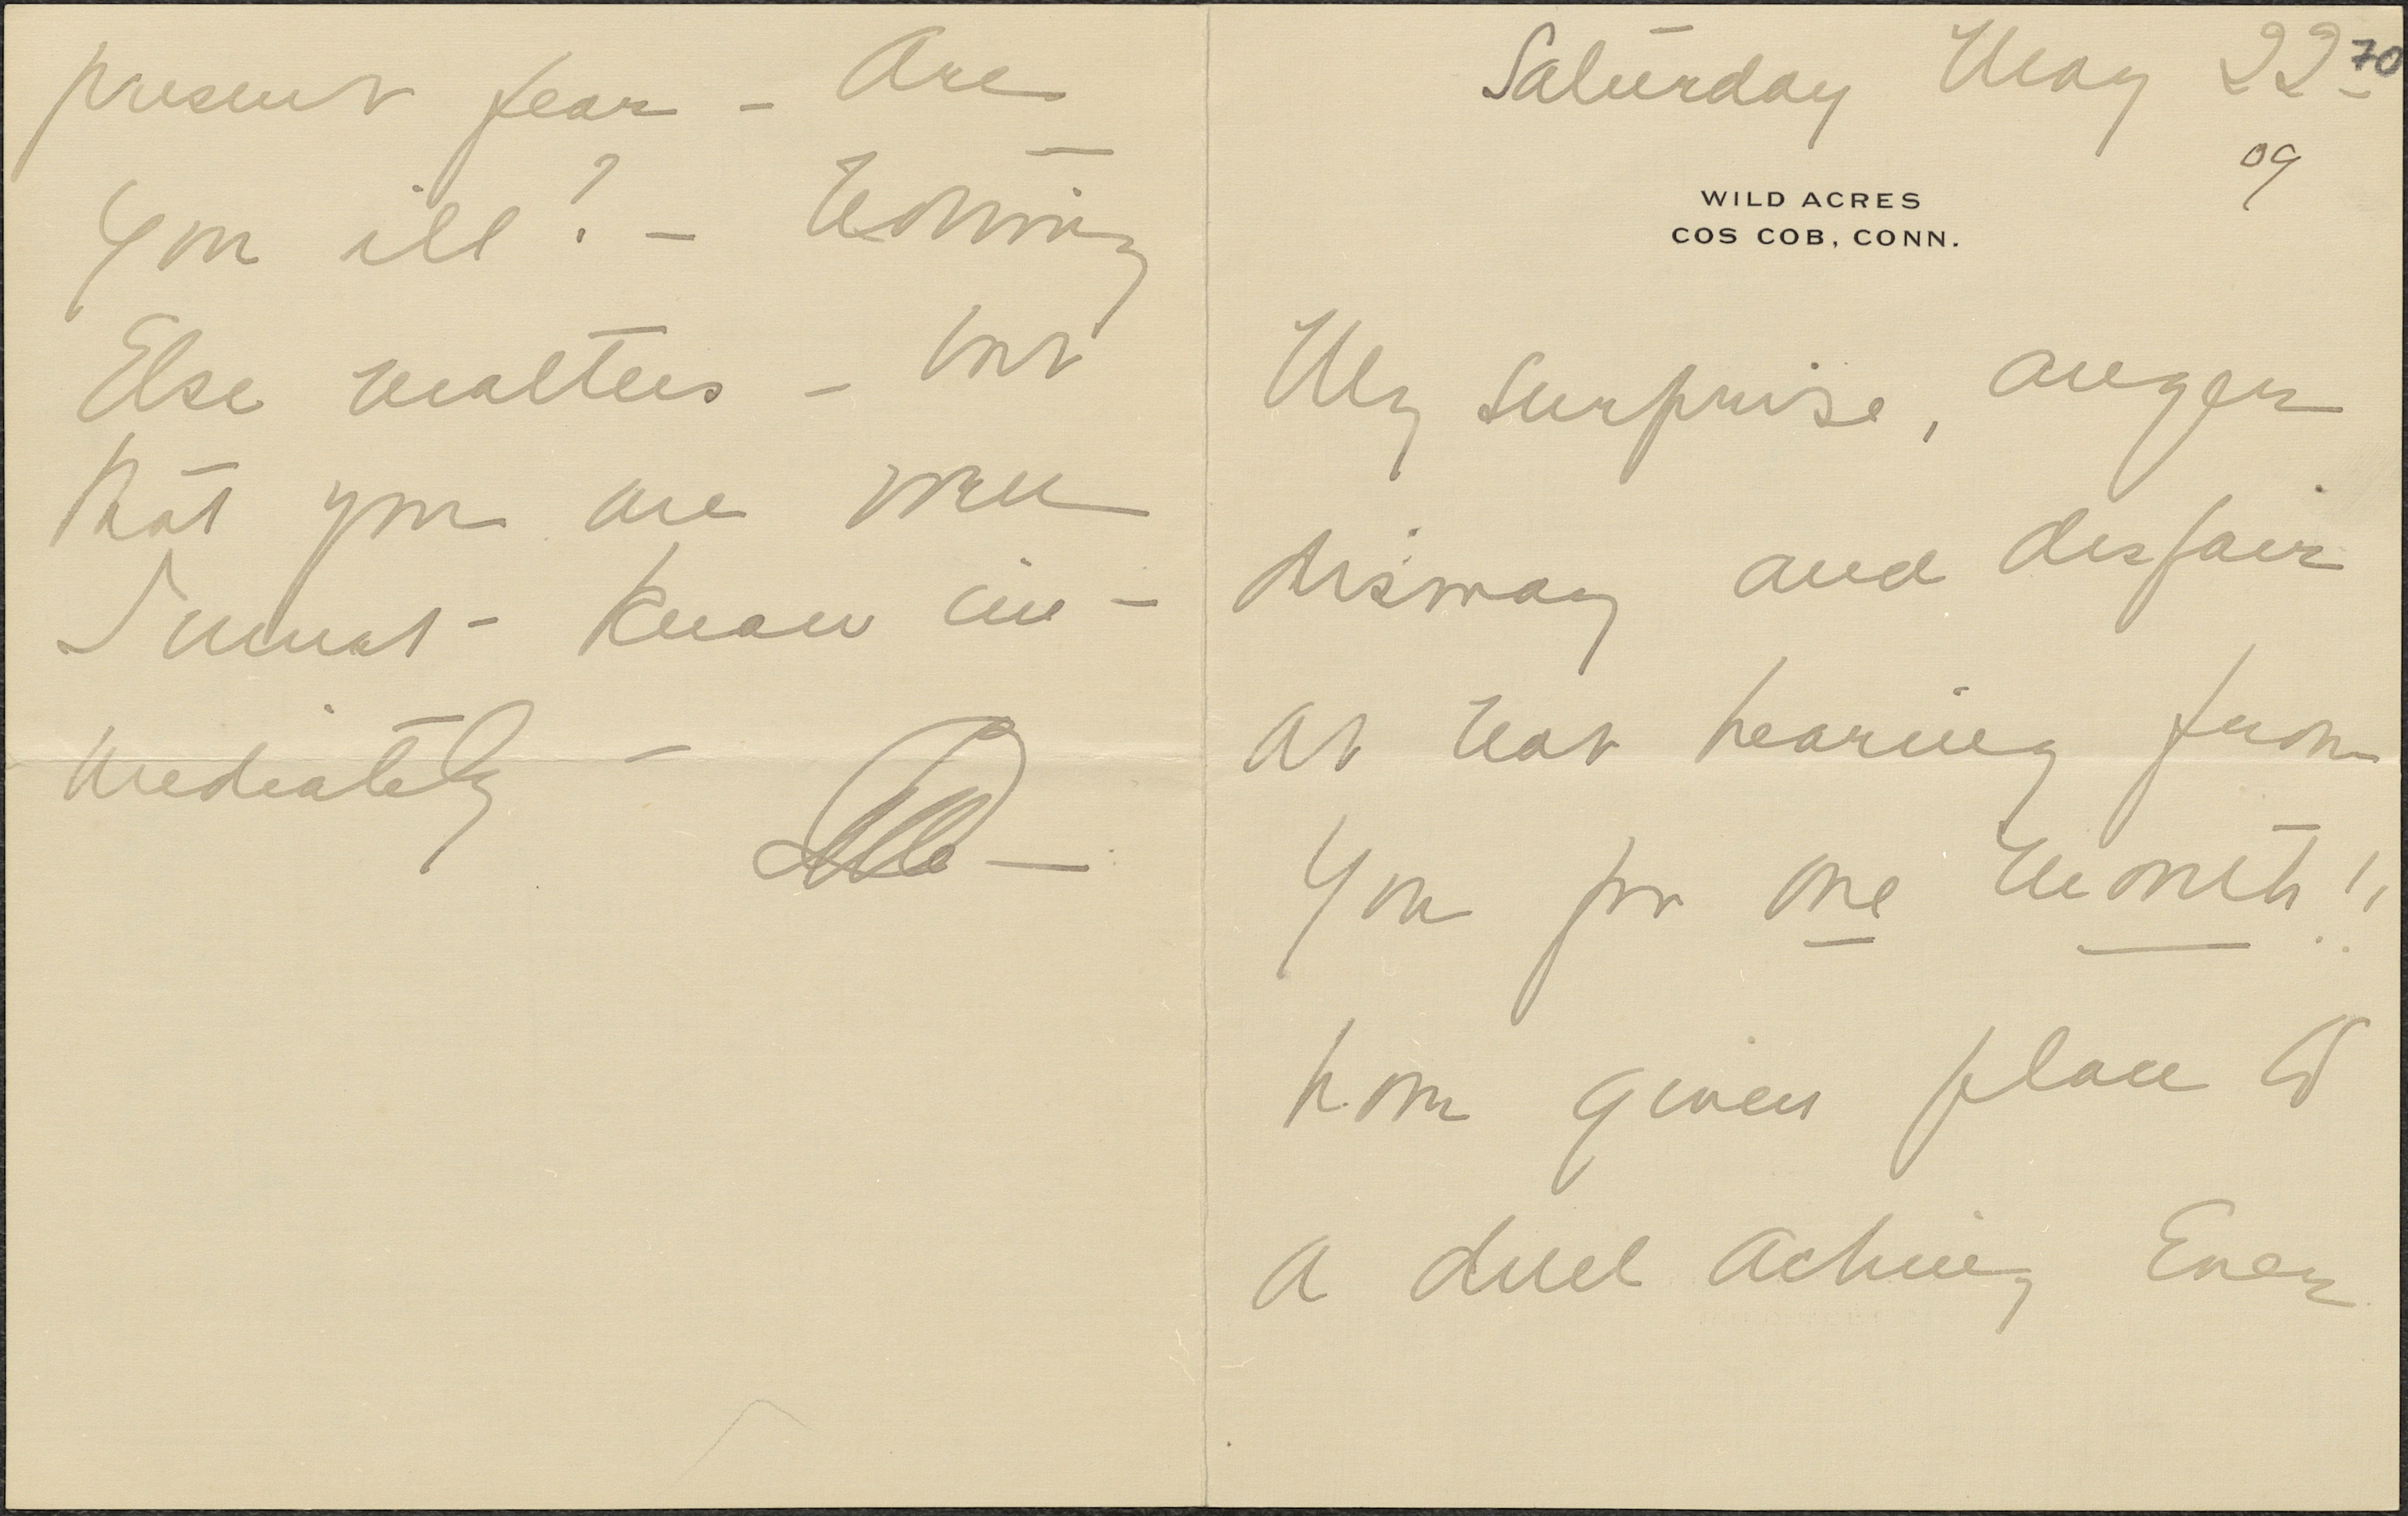Saturday May 22 –
My surprise, anger dismay and despair at not hearing from you for one month!!
have given place to a dull aching ever
present fear – Are you ill? Nothing else matters – but that you are well
I must know immediately –
Belle –